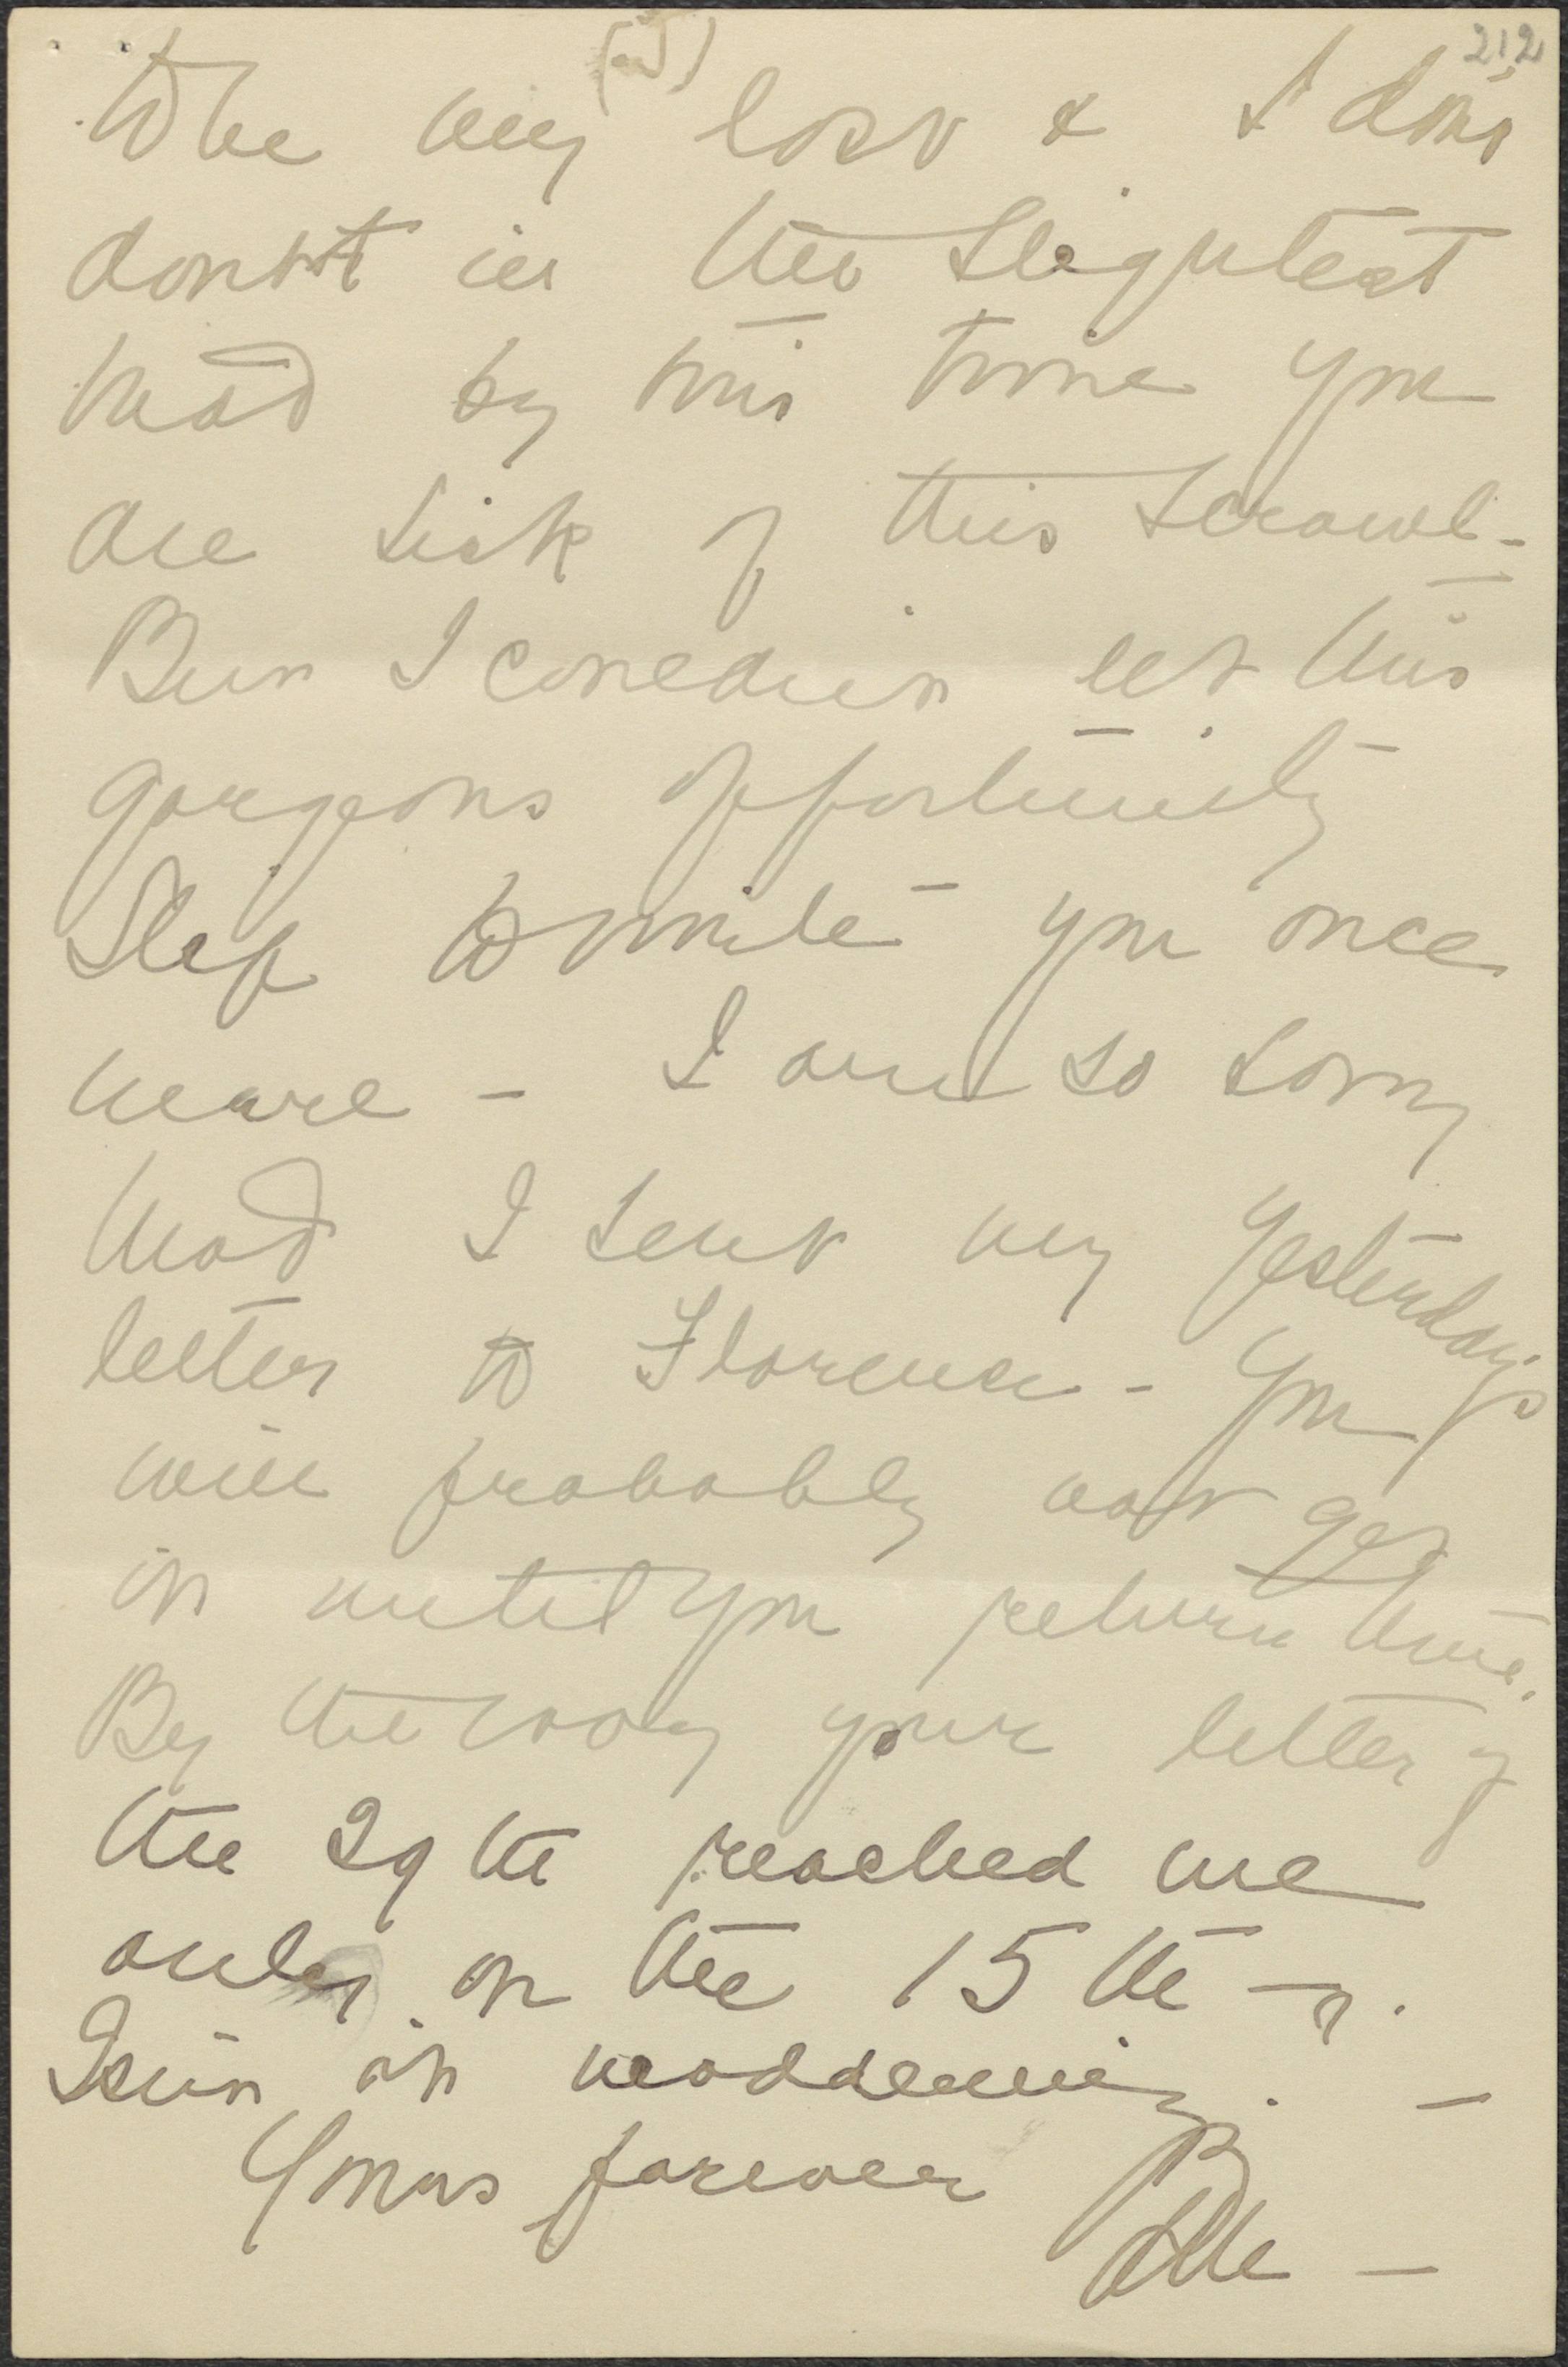(5)
to be my last & I don’t doubt in the slightest that by this time you are sick of this scrawl –
But I couldn’t let this gorgeous opportunity slip to write you once more – I am so sorry that I sent my yesterday’s letter to Florence – You will probably not get it until you return there. By the way your letter of the 29th reached me only on the 15th – Isn’t it maddening? –
Yours forever
Belle –